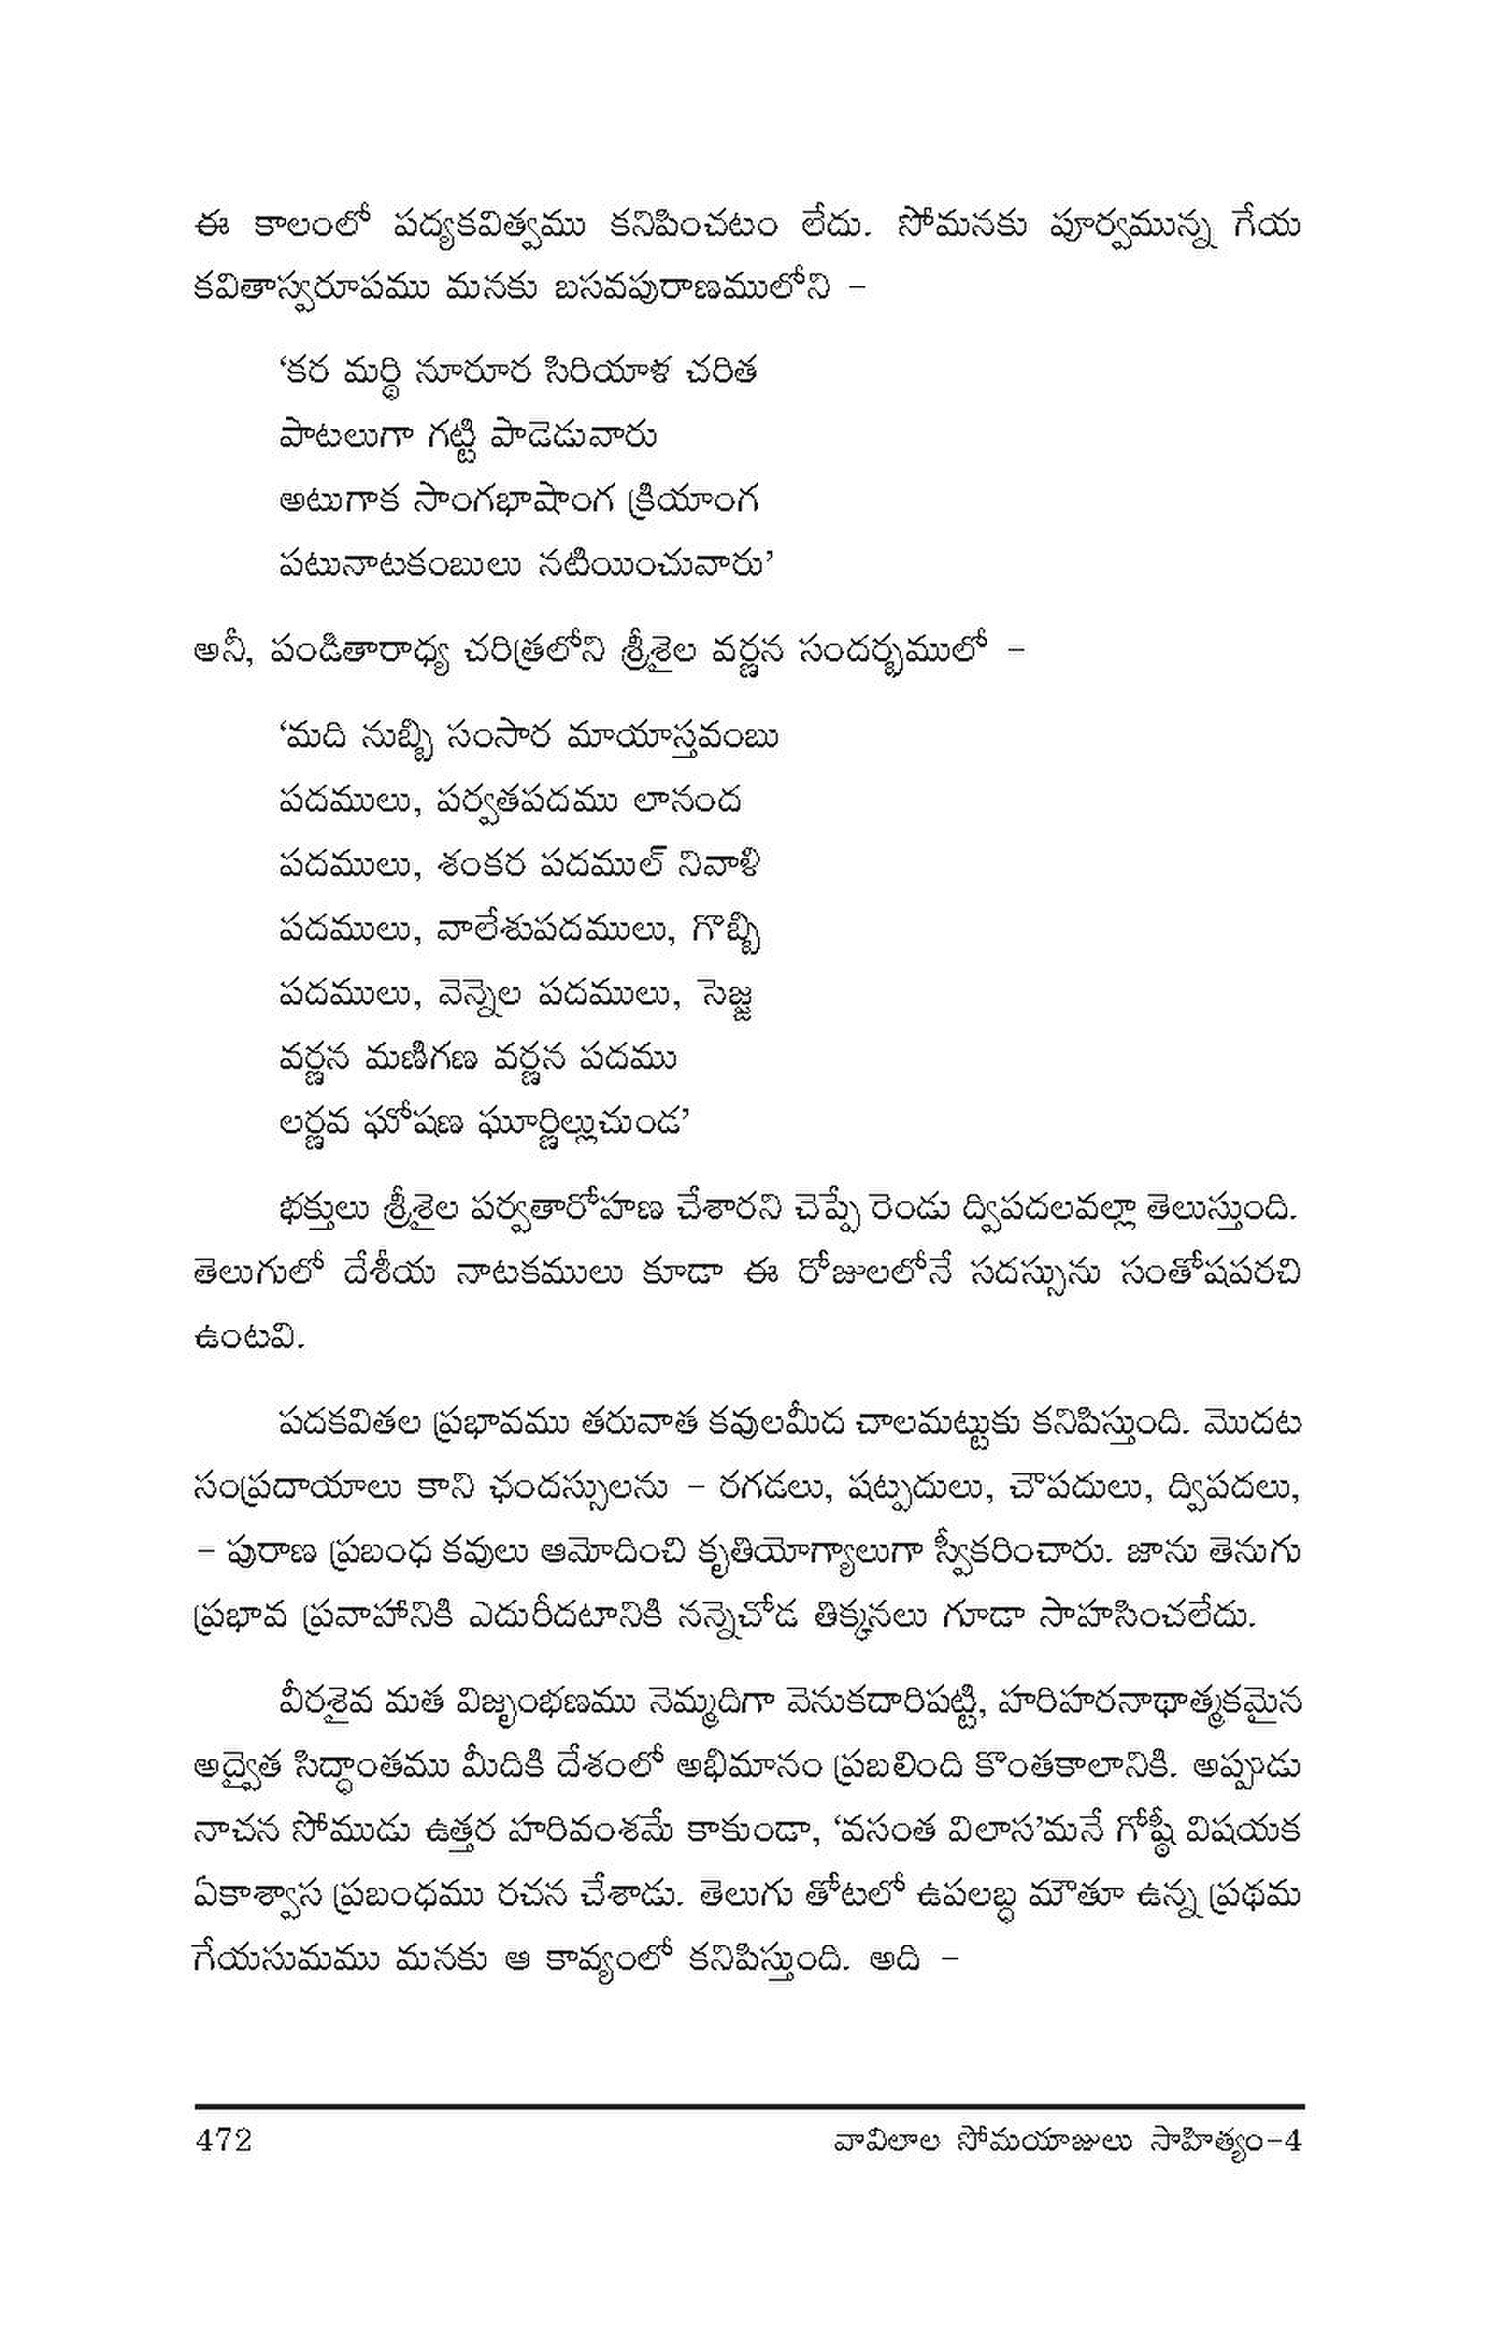ఈ కాలంలో పద్యకవిత్వము కనిపించటం లేదు. సోమనకు పూర్వమున్న గేయ
కవితాస్వరూపము మనకు బసవపురాణములోని -

'కర మర్థి నూరూర సిరియాళ చరిత
పాటలుగా గట్టి పాడెడువారు
అటుగాక సాంగభాషాంగ క్రియాంగ
పటునాటకంబులు నటియించువారు'

అనీ, పండితారాధ్య చరిత్రలోని శ్రీశైల వర్ణన సందర్భములో -

'మది నుబ్బి సంసార మాయాస్తవంబు
పదములు, పర్వతపదము లానంద
పదములు, శంకర పదముల్ నివాళి
పదములు, వాలేశుపదములు, గొబ్బి
పదములు, వెన్నెల పదములు, సెజ్జ
వర్ణన మణిగణ వర్ణన పదము
లర్ణవ ఘోషణ ఘూర్ణిల్లుచుండ'

భక్తులు శ్రీశైల పర్వతారోహణ చేశారని చెప్పే రెండు ద్విపదలవల్లా తెలుస్తుంది.
తెలుగులో దేశీయ నాటకములు కూడా ఈ రోజులలోనే సదస్సును సంతోషపరచి
ఉంటవి.

పదకవితల ప్రభావము తరువాత కవులమీద చాలమట్టుకు కనిపిస్తుంది. మొదట
సంప్రదాయాలు కాని ఛందస్సులను - రగడలు, షట్పదులు, చౌపదులు, ద్విపదలు,
పురాణ ప్రబంధ కవులు ఆమోదించి కృతియోగ్యాలుగా స్వీకరించారు. జాను తెనుగు
ప్రభావ ప్రవాహానికి ఎదురీదటానికి నన్నెచోడ తిక్కనలు గూడా సాహసించలేదు.

వీరశైవ మత విజృంభణము నెమ్మదిగా వెనుకదారిపట్టి, హరిహరనాథాత్మకమైన
అద్వైత సిద్ధాంతము మీదికి దేశంలో అభిమానం ప్రబలింది కొంతకాలానికి. అప్పుడు
నాచన సోముడు ఉత్తర హరివంశమే కాకుండా, 'వసంత విలాసమనే గోష్ఠీ విషయక
ఏకాశ్వాస ప్రబంధము రచన చేశాడు. తెలుగు తోటలో ఉపలబ్ధ మౌతూ ఉన్న ప్రథమ
గేయసుమము మనకు ఆ కావ్యంలో కనిపిస్తుంది. అది